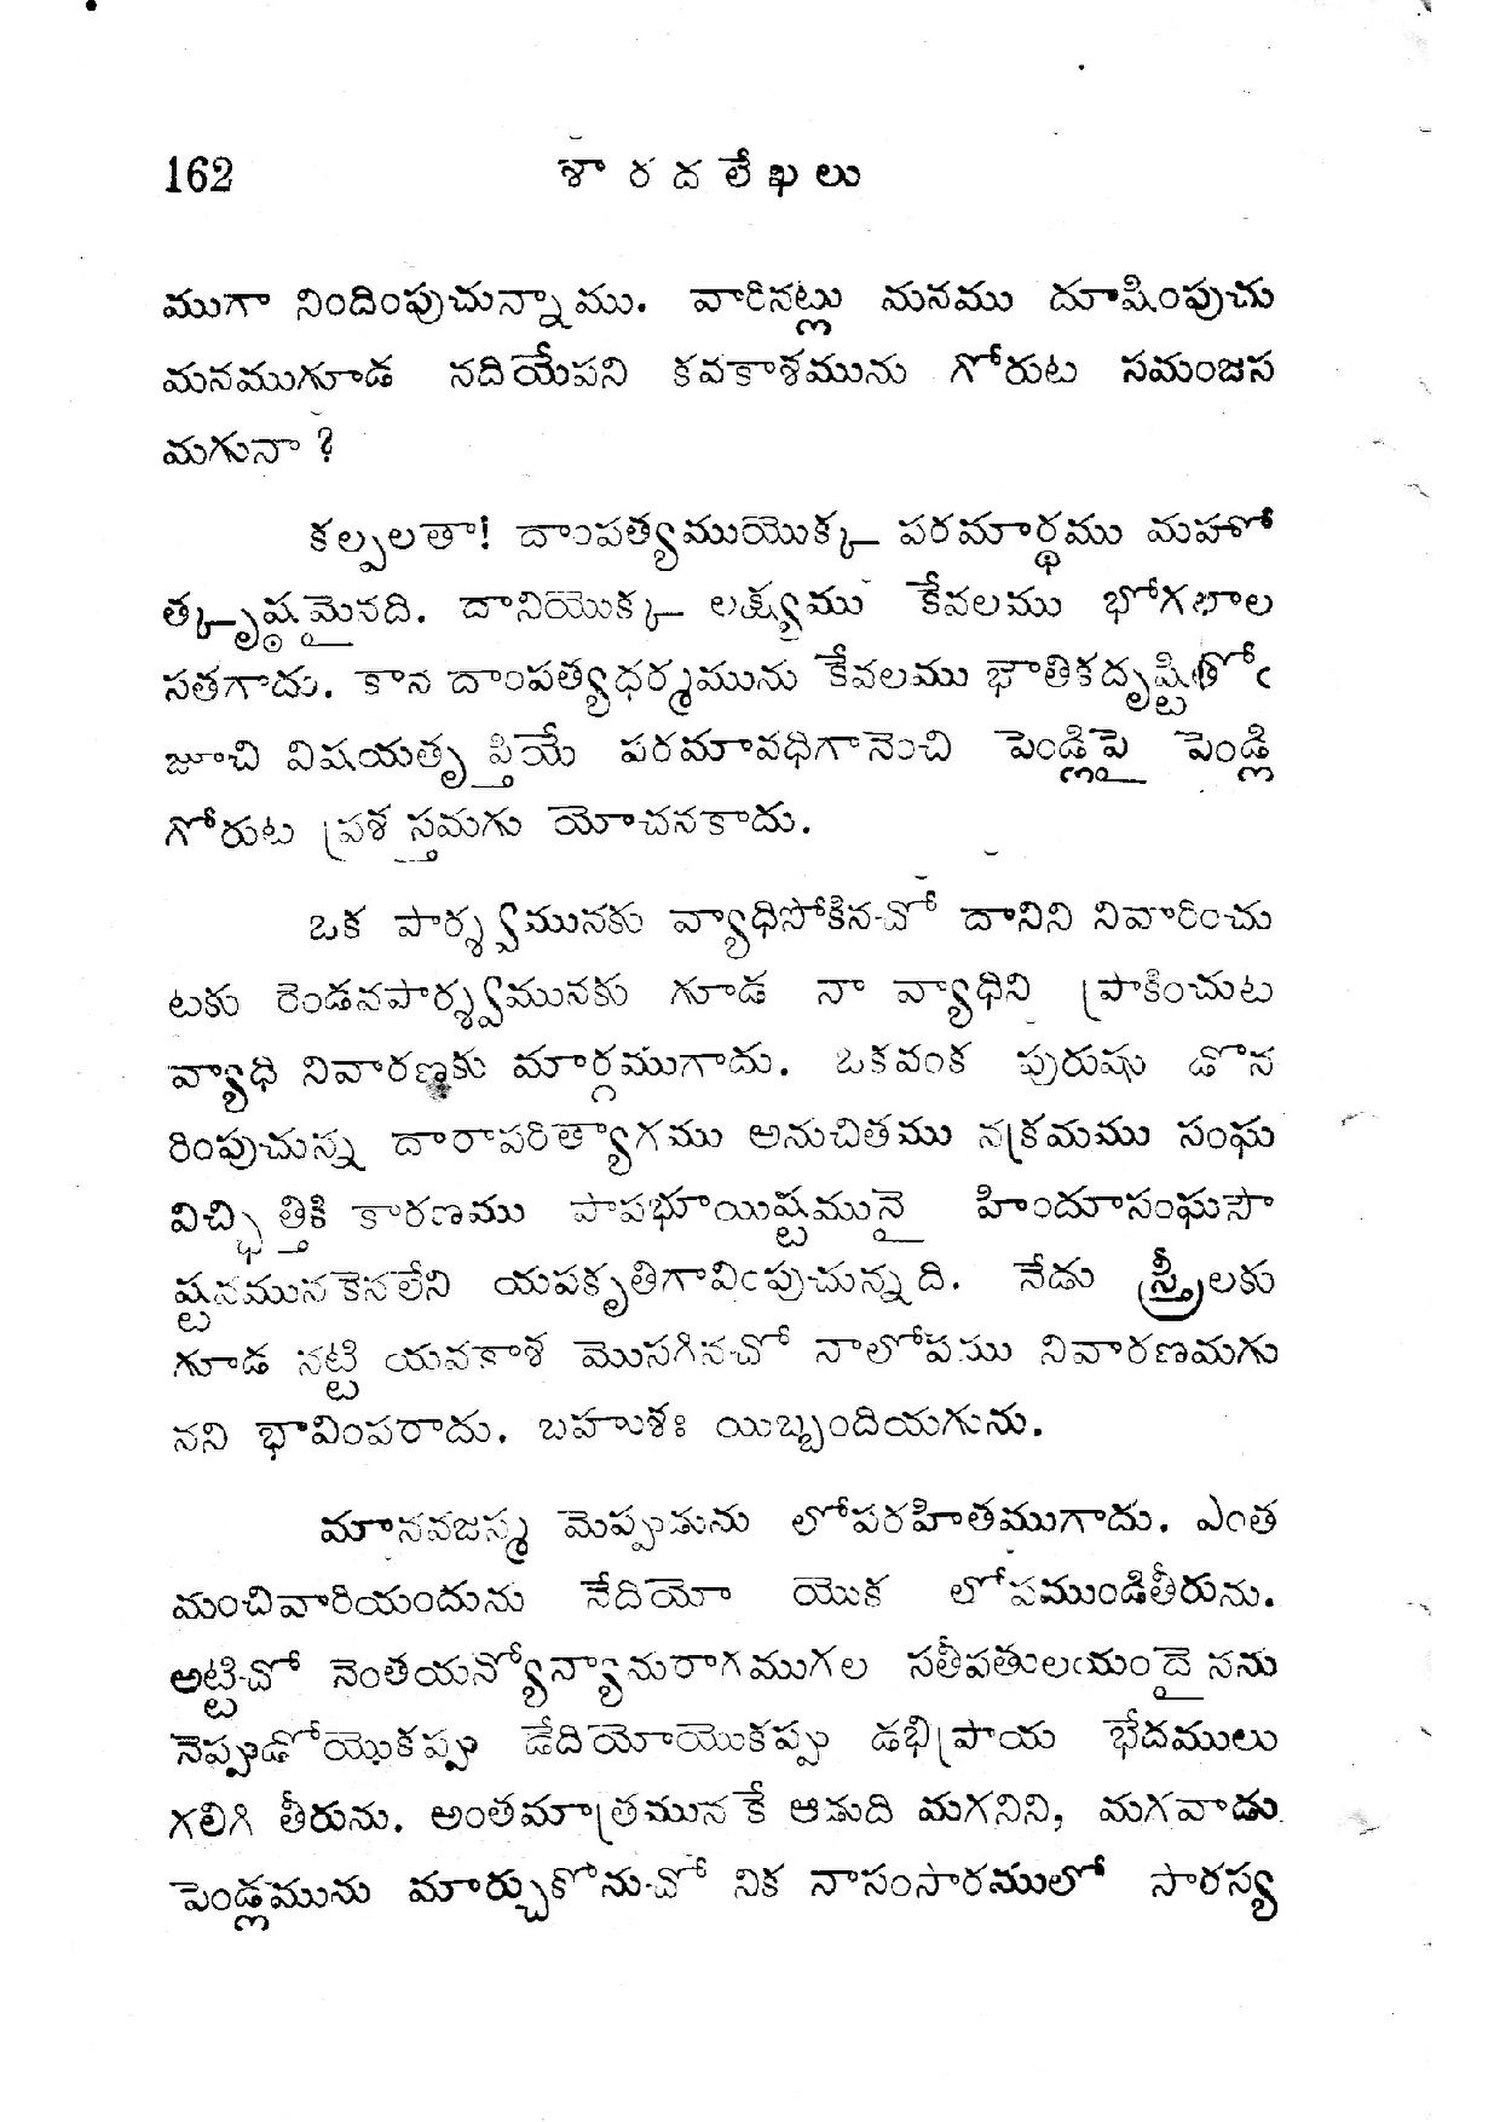ముగా నిందింపుచున్నాము. వారినట్లు మనము దూషింపుచు మనముగూడ నదియేపని కవకాశమును గోరుట సమంజస మగునా?

కల్పలతా! దాంపత్యముయొక్క పరమార్థము మహోత్కృష్ఠమైనది. దానియొక్క లక్ష్యము కేవలము భోగలాలసతగాదు. కాన దాంపత్యధర్మమును కేవలము భౌతికదృష్టితోఁ జూచి విషయతృప్తియే పరమావధిగానెంచి పెండ్లిపై పెండ్లిగోరుట ప్రశస్తమగు యోచనకాదు.

ఒక పార్శ్వమునకు వ్యాధిసోకినచో దానిని నివారించుటకు రెండవపార్శ్వమునకు గూడ నా వ్యాధిని ప్రాకించుట వ్యాధి నివారణకు మార్గముగాదు. ఒకవంక పురుషు డొనరింపుచున్న దారాపరిత్యాగము అనుచితము నక్రమము సంఘ విచ్ఛిత్తికి కారణము పాపభూయిష్టమునై హిందూసంఘసౌష్టనమునకెనలేని యపకృతిగావింపుచున్నది. నేడు స్త్రీలకు గూడ నట్టి యవకాశ మొసగినచో నాలోపము నివారణమగునని భావింపరాదు. బహుశః యిబ్బందియగును.

మానవజస్మ మెప్పుడును లోపరహితముగాదు. ఎంత మంచివారియందును నేదియో యొక లోపముండితీరును. అట్టిచో నెంతయన్యోన్యానురాగముగల సతీపతులఁయందైనను నెప్పుడోయొకప్పు డేదియోయొకప్పు డభిప్రాయ భేదములు గలిగి తీరును. అంతమాత్రమునకే ఆడుది మగనిని, మగవాడు
పెండ్లమును మార్చుకొనుచో నిక నాసంసారములో సారస్య